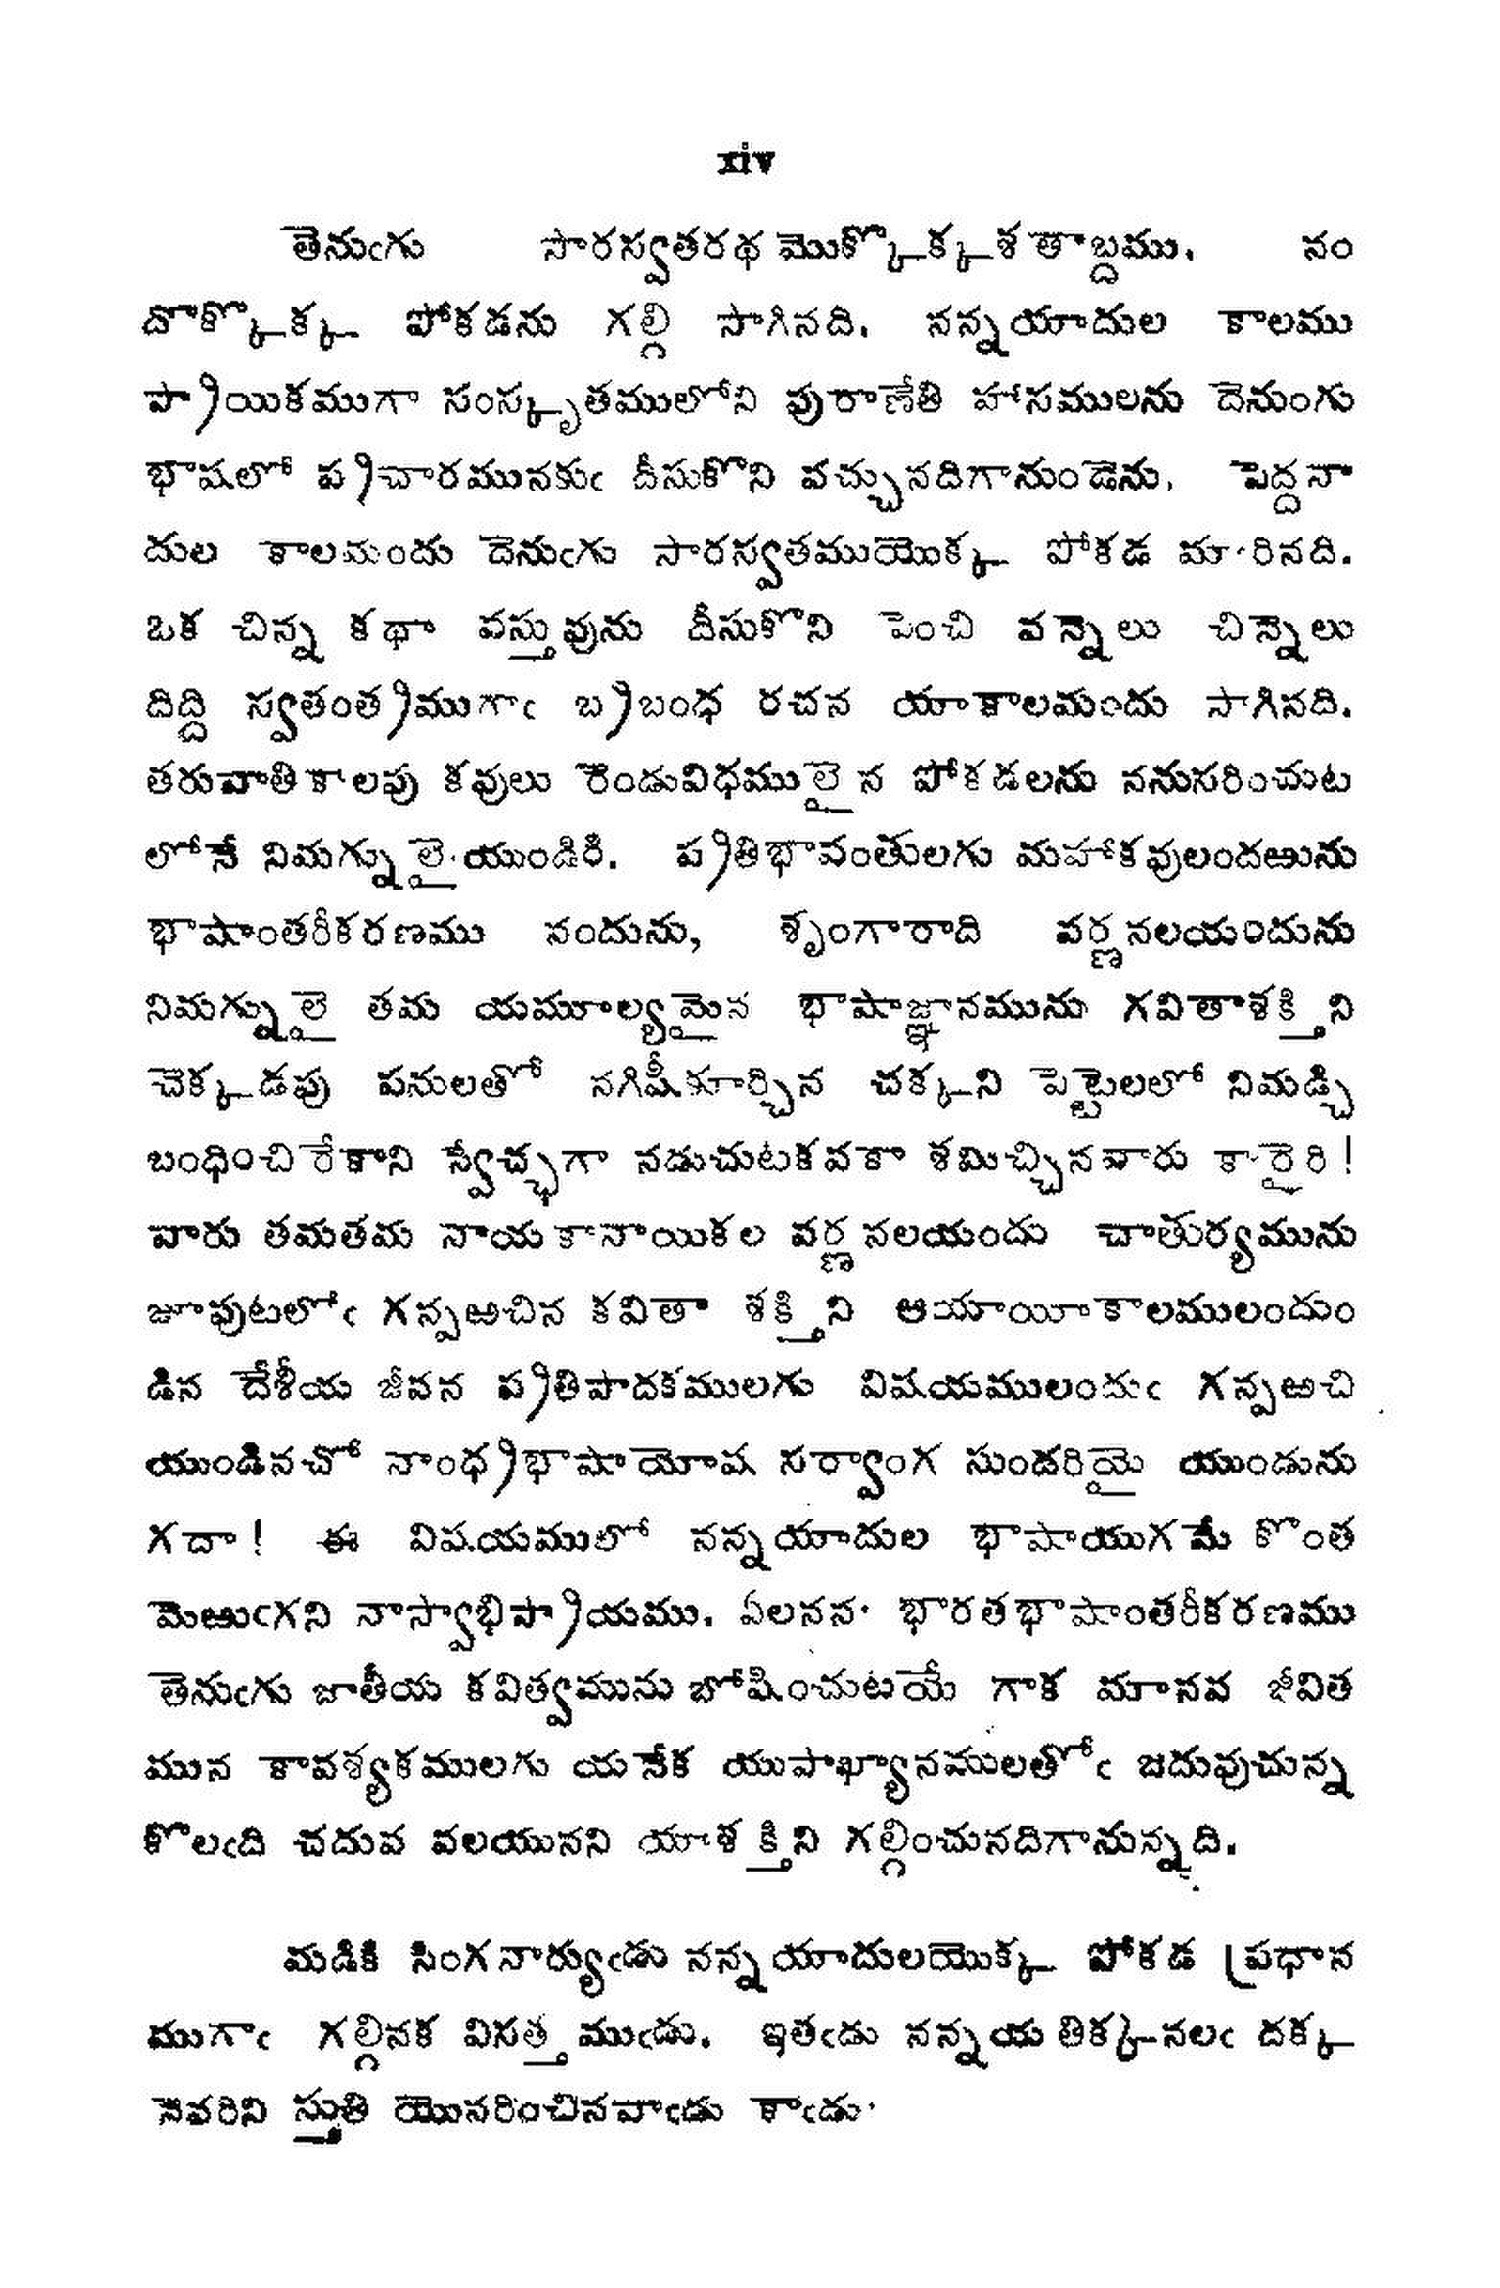తెనుఁగు సారస్వతరథ మొక్కొక్క శతాబ్దము నందొక్కక్క పోకడను గల్గి సాగినది. నన్నయాదుల కాలము ప్రాయికముగా సంస్కృతములోని పురాణేతి హాసములను దెనుంగు భాషలో ప్రచారమునకుఁ దీసుకొని వచ్చునదిగానుండెను. పెద్దనాదుల కాలమందు దెనుఁగు సారస్వతముయొక్క పోకడ మారినది. ఒక చిన్న కథా వస్తువునుఁ దీసుకొని పెంచి వన్నెలు చిన్నెలు దిద్ది స్వతంత్రముగాఁ బ్రబంధ రచన యాకాలమందు సాగినది. తరువాతికాలపు కవులు రెండు విధములైన పోకడలను ననుసరించుటలోనే నిమగ్నులై యుండిరి. ప్రతిభావంతులగు మహాకవులందఱును భాషాంతరీకరణము నందును, శృంగారాది వర్ణనలయందును నిమగ్నులై తమ యమూల్యమైన భాషాజ్ఞానమును గవితాశక్తిని చెక్కడపు పనులతో నగిషీ కూర్చిన చక్కని పెట్టెలలో నిమడ్చి బంధించిరేకాని స్వేచ్ఛగా నడచుట కవకాశ మిచ్చినవారు కారైరి! వారు తమతమ నాయకానాయికల వర్ణనలయందు చాతుర్యమును జూపుటలోఁ గన్పఱచిన కవితా శక్తిని ఆయాయీ కాలములందుండిన దేశీయ జీవన ప్రతిపాదకములగు విషయము లందుఁ గన్పఱచి యుండినచో నాంధ్రభాషాయోష సర్వాంగ సుందరియై యుండును గదా! ఈ విషయములో నన్నయాదుల భాషాయుగమే కొంతమెఱుఁగని నాస్వాభిప్రాయము. ఏలనన భారతభాషాంతరీకరణము తెనుఁగు జాతీయ కవిత్వమును బోషించుటయే గాక మానవ జీవితమున కావశ్యకములగు యనేక యుపాఖ్యానములతోఁ జదువుచున్నకొలఁది చదువవలయునని యాసక్తిని గల్గించునదిగా నున్నది. 

మడికి సింగనార్యుఁడు నన్నయాదులయొక్క పోకడ ప్రధానముగాఁ గల్గిన కవిసత్తముఁడు. ఇతఁడు నన్నయ తిక్కనలఁ దక్క నెవరిని స్తుతి యొనరించినవాఁడు కాఁడు.